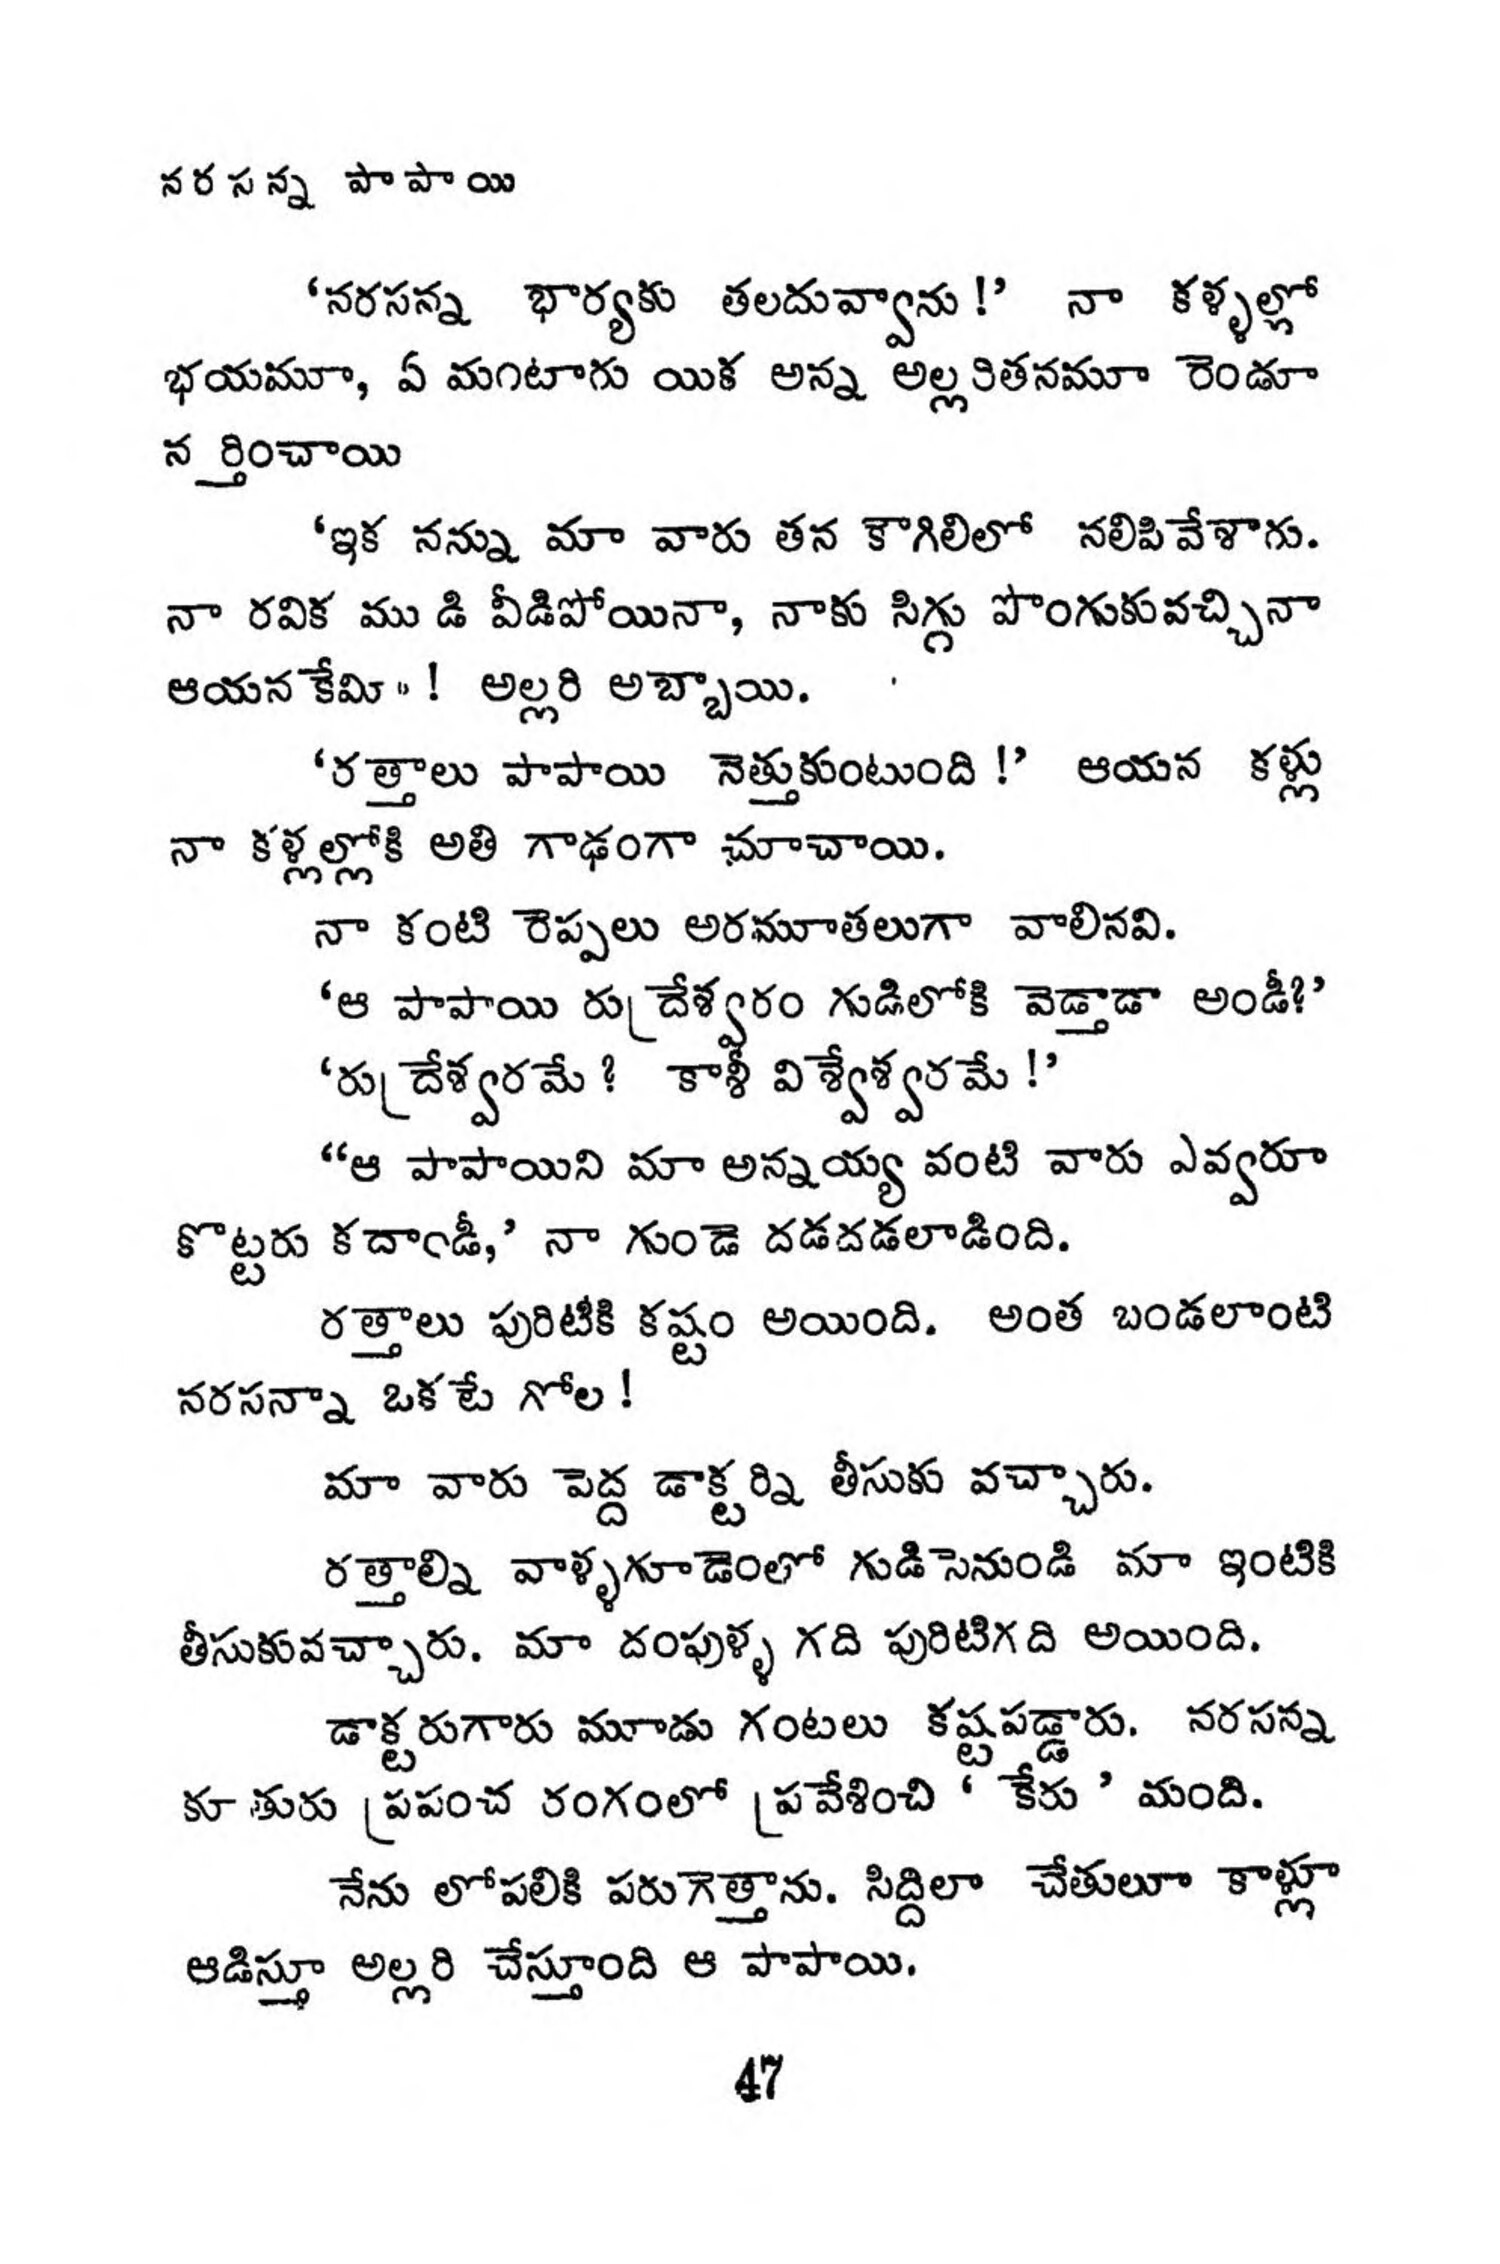'నరసన్న భార్యకు తలదువ్వాను !' నా కళ్ళల్లో భయమూ, ఏ మంటారు యిక అన్న అల్లరితనమూ రెండూ నర్తించాయి.

'ఇక నన్ను మా వారు తన కౌగిలిలో నలిపివేశారు. నా రవిక ముడి వీడిపోయినా, నాకు సిగ్గు పొంగుకువచ్చినా ఆయనకేమీ! అల్లరి అబ్బాయి.'

'రత్తాలు పాపాయి నెత్తుకుంటుంది!' ఆయన కళ్లు నా కళ్లల్లోకి అతి గాఢంగా చూచాయి.

నా కంటి రెప్పలు అరమూతలుగా వాలినవి.

'ఆ పాపాయి రుద్రేశ్వరం గుడిలోకి వెడ్తాడా అండీ?'

'రుద్రేశ్వరమే? కాశీ విశ్వేశ్వరమే!'

"ఆ పాపాయిని మా అన్నయ్య వంటి వారు ఎవరూ కొట్టరు కదాండీ,' నా గుండె దడదడలాడింది.

రత్తాలు పురిటికి కష్టం అయింది. అంత బండలాంటి నరసన్నా ఒకటే గోల!

మా వారు పెద్ద డాక్టర్ని తీసుకు వచ్చారు.

రత్తాల్ని వాళ్ళగూడెంలో గుడిసెనుండి మా ఇంటికి తీసుకువచ్చారు. మా దంపుళ్ళ గది పురిటిగది అయింది.

డాక్టరుగారు మూడు గంటలు కష్టపడ్డారు. నరసన్న కూతురు ప్రపంచ రంగంలో ప్రవేశించి 'కేరు' మంది.

నేను లోపలికి పరుగెత్తాను. సిద్దిలా చేతులూ కాళ్లూ ఆడిస్తూ అల్లరి చేస్తూంది ఆ పాపాయి.